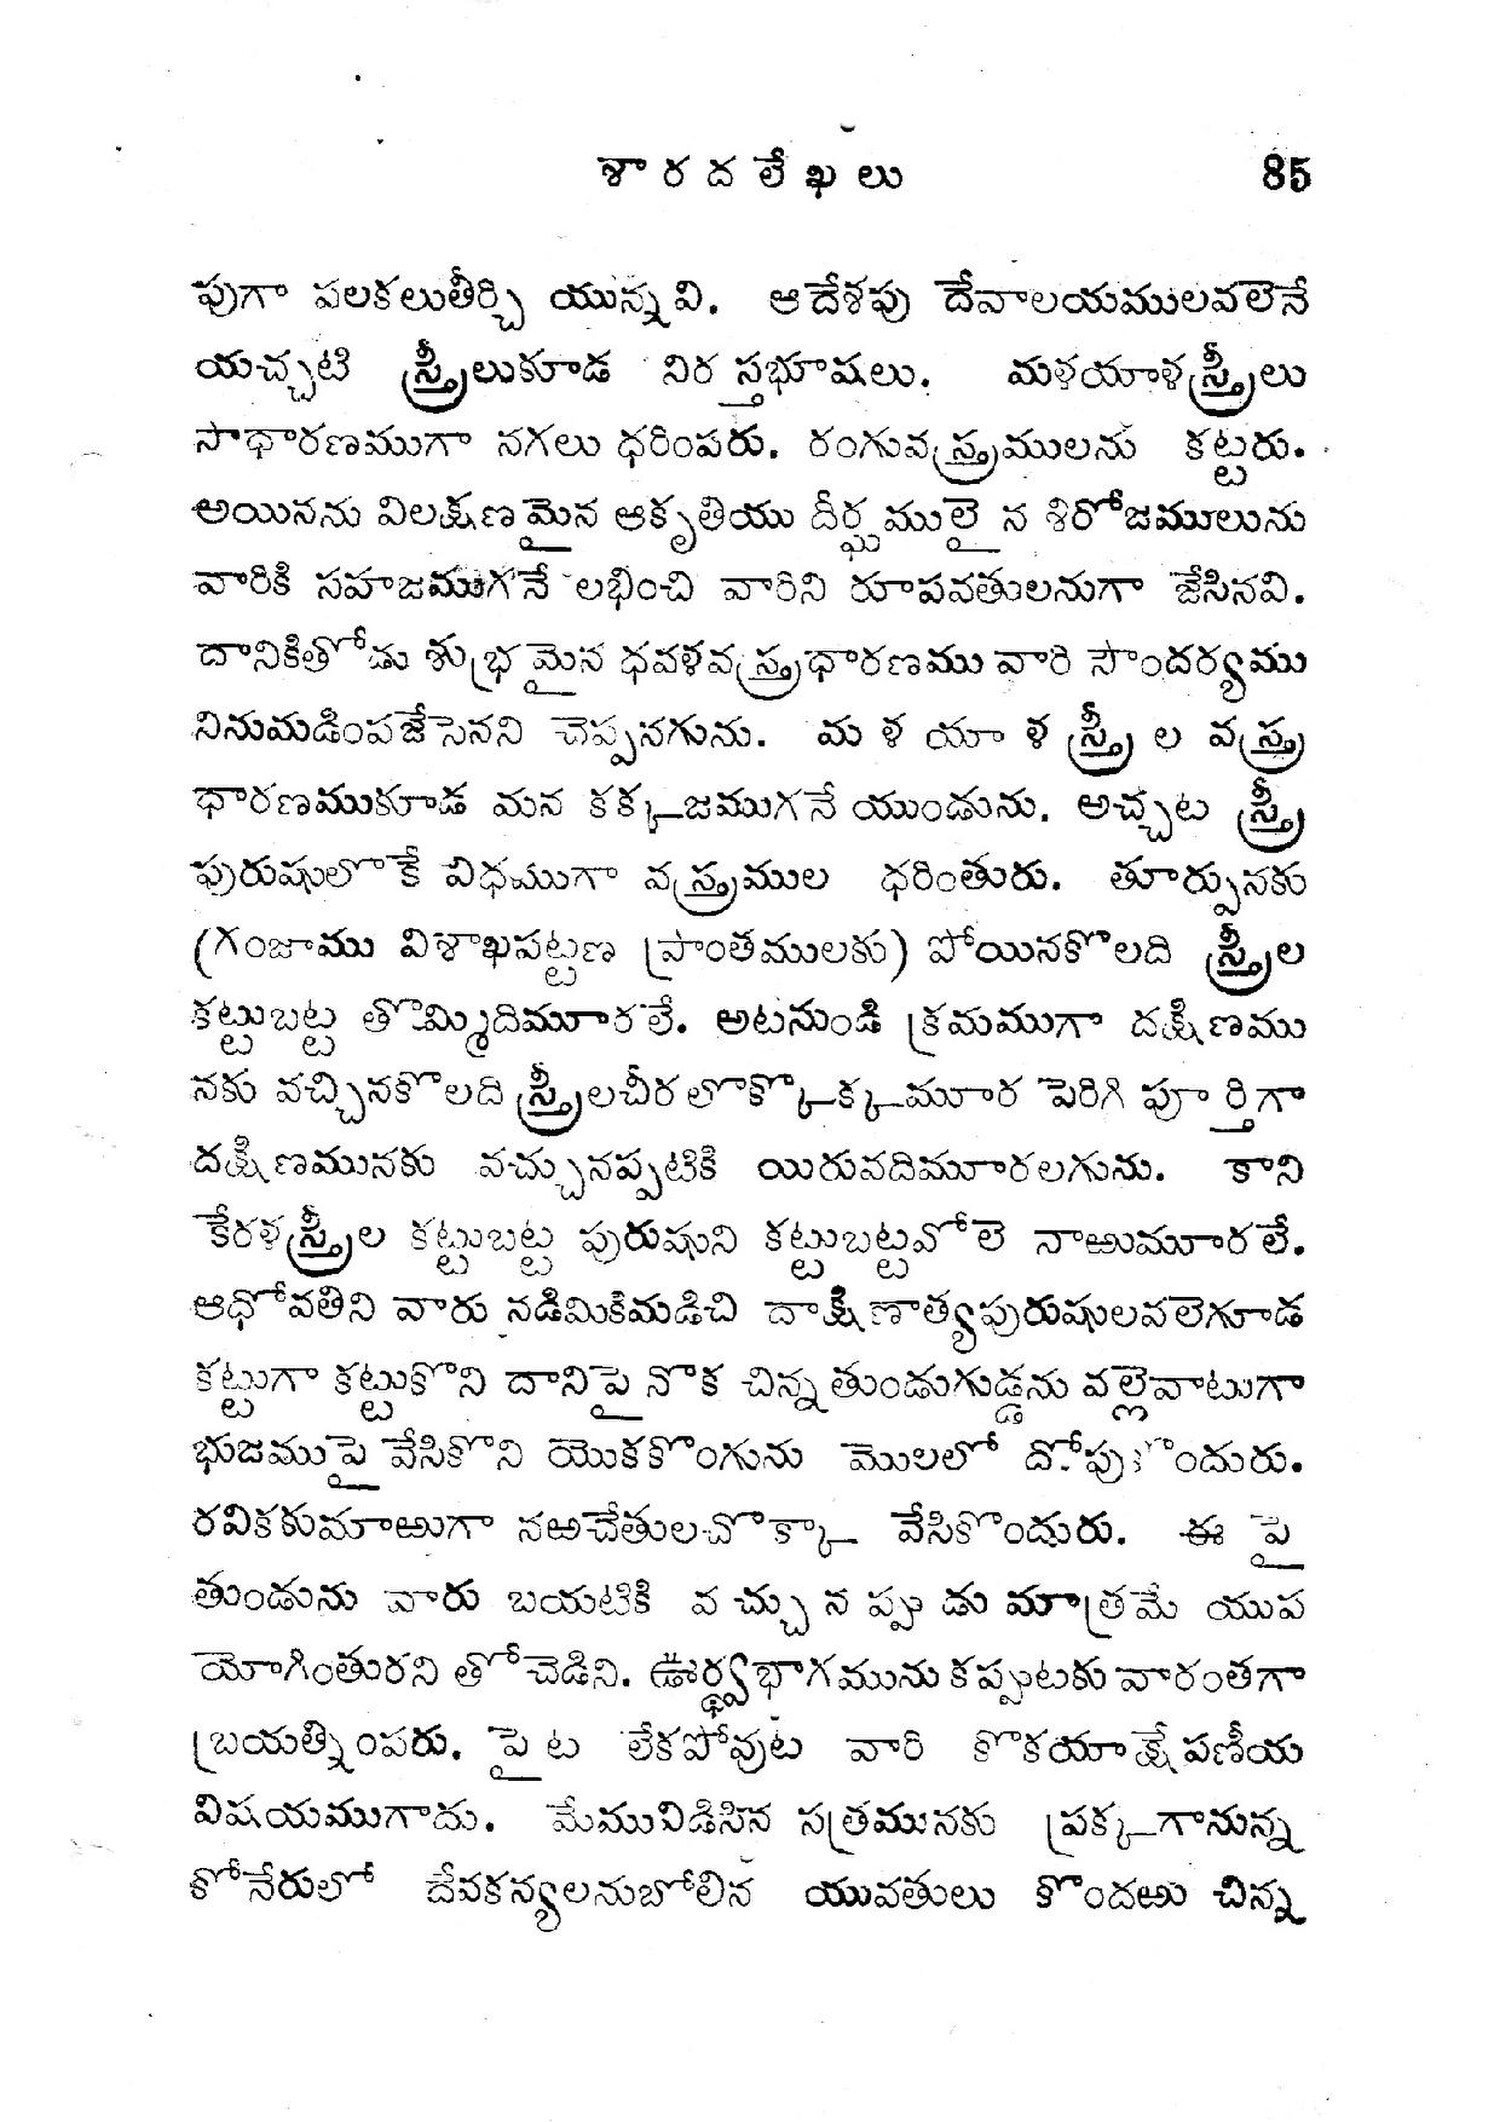పుగా పలకలుతీర్చి యున్నవి. ఆదేశపు దేవాలయములవలెనే యచ్చటి స్త్రీలుకూడ నిరస్తభూషలు. మళయాళస్త్రీలు సాధారణముగా నగలు ధరింపరు. రంగువస్త్రములను కట్టరు. అయినను విలక్షణమైన ఆకృతియు దీర్ఘములైన శిరోజములును వారికి సహజముగనే లభించి వారిని రూపవతులనుగా జేసినవి.
దానికితోడు శుభ్రమైన ధవళవస్త్రధారణమువారి సౌందర్యము నినుమడింపజేసెనని చెప్పనగును. మళయాళస్త్రీల వస్త్రధారణముకూడ మన కక్కజముగనే యుండును. అచ్చట స్త్రీపురుషులొకే విధముగా వస్త్రముల ధరింతురు. తూర్పునకు (గంజాము విశాఖపట్టణ ప్రాంతములకు) పోయినకొలది స్త్రీల కట్టుబట్ట తొమ్మిదిమూరలే. అటనుండి క్రమముగా దక్షిణమునకు వచ్చినకొలది స్త్రీలచీరలొక్కొక్కమూరపెరిగి పూర్తిగా
దక్షిణమునకు వచ్చునప్పటికి యిరువదిమూరలగును. కాని కేరళస్త్రీల కట్టుబట్ట పురుషుని కట్టుబట్టవోలె నాఱుమూరలే. ఆధోవతిని వారు నడిమికిమడిచి దాక్షిణాత్యపురుషులవలెగూడ కట్టుగా కట్టుకొని దానిపై నొక చిన్న తుండుగుడ్డను వల్లెవాటుగా భుజముపై వేసికొని యొకకొంగును మొలలో దోపుకుందురు.
రవికకుమాఱుగా నఱచేతులచొక్కా వేసికొందురు. ఈ పై తుండును వారు బయటికి వచ్చునప్పుడు మాత్రమే యుపయోగింతురని తోచెడిని. ఊర్ధ్వభాగమును కప్పుటకు వారంతగా బ్రయత్నింపరు పైట లేకపోవుట వారి కొకయాక్షేపణీయ విషయముగాదు. మేమువిడిసిన సత్రమునకు ప్రక్కగానున్న కోనేరులో దేవకన్యలనుబోలిన యువతులు కొందఱు చిన్న